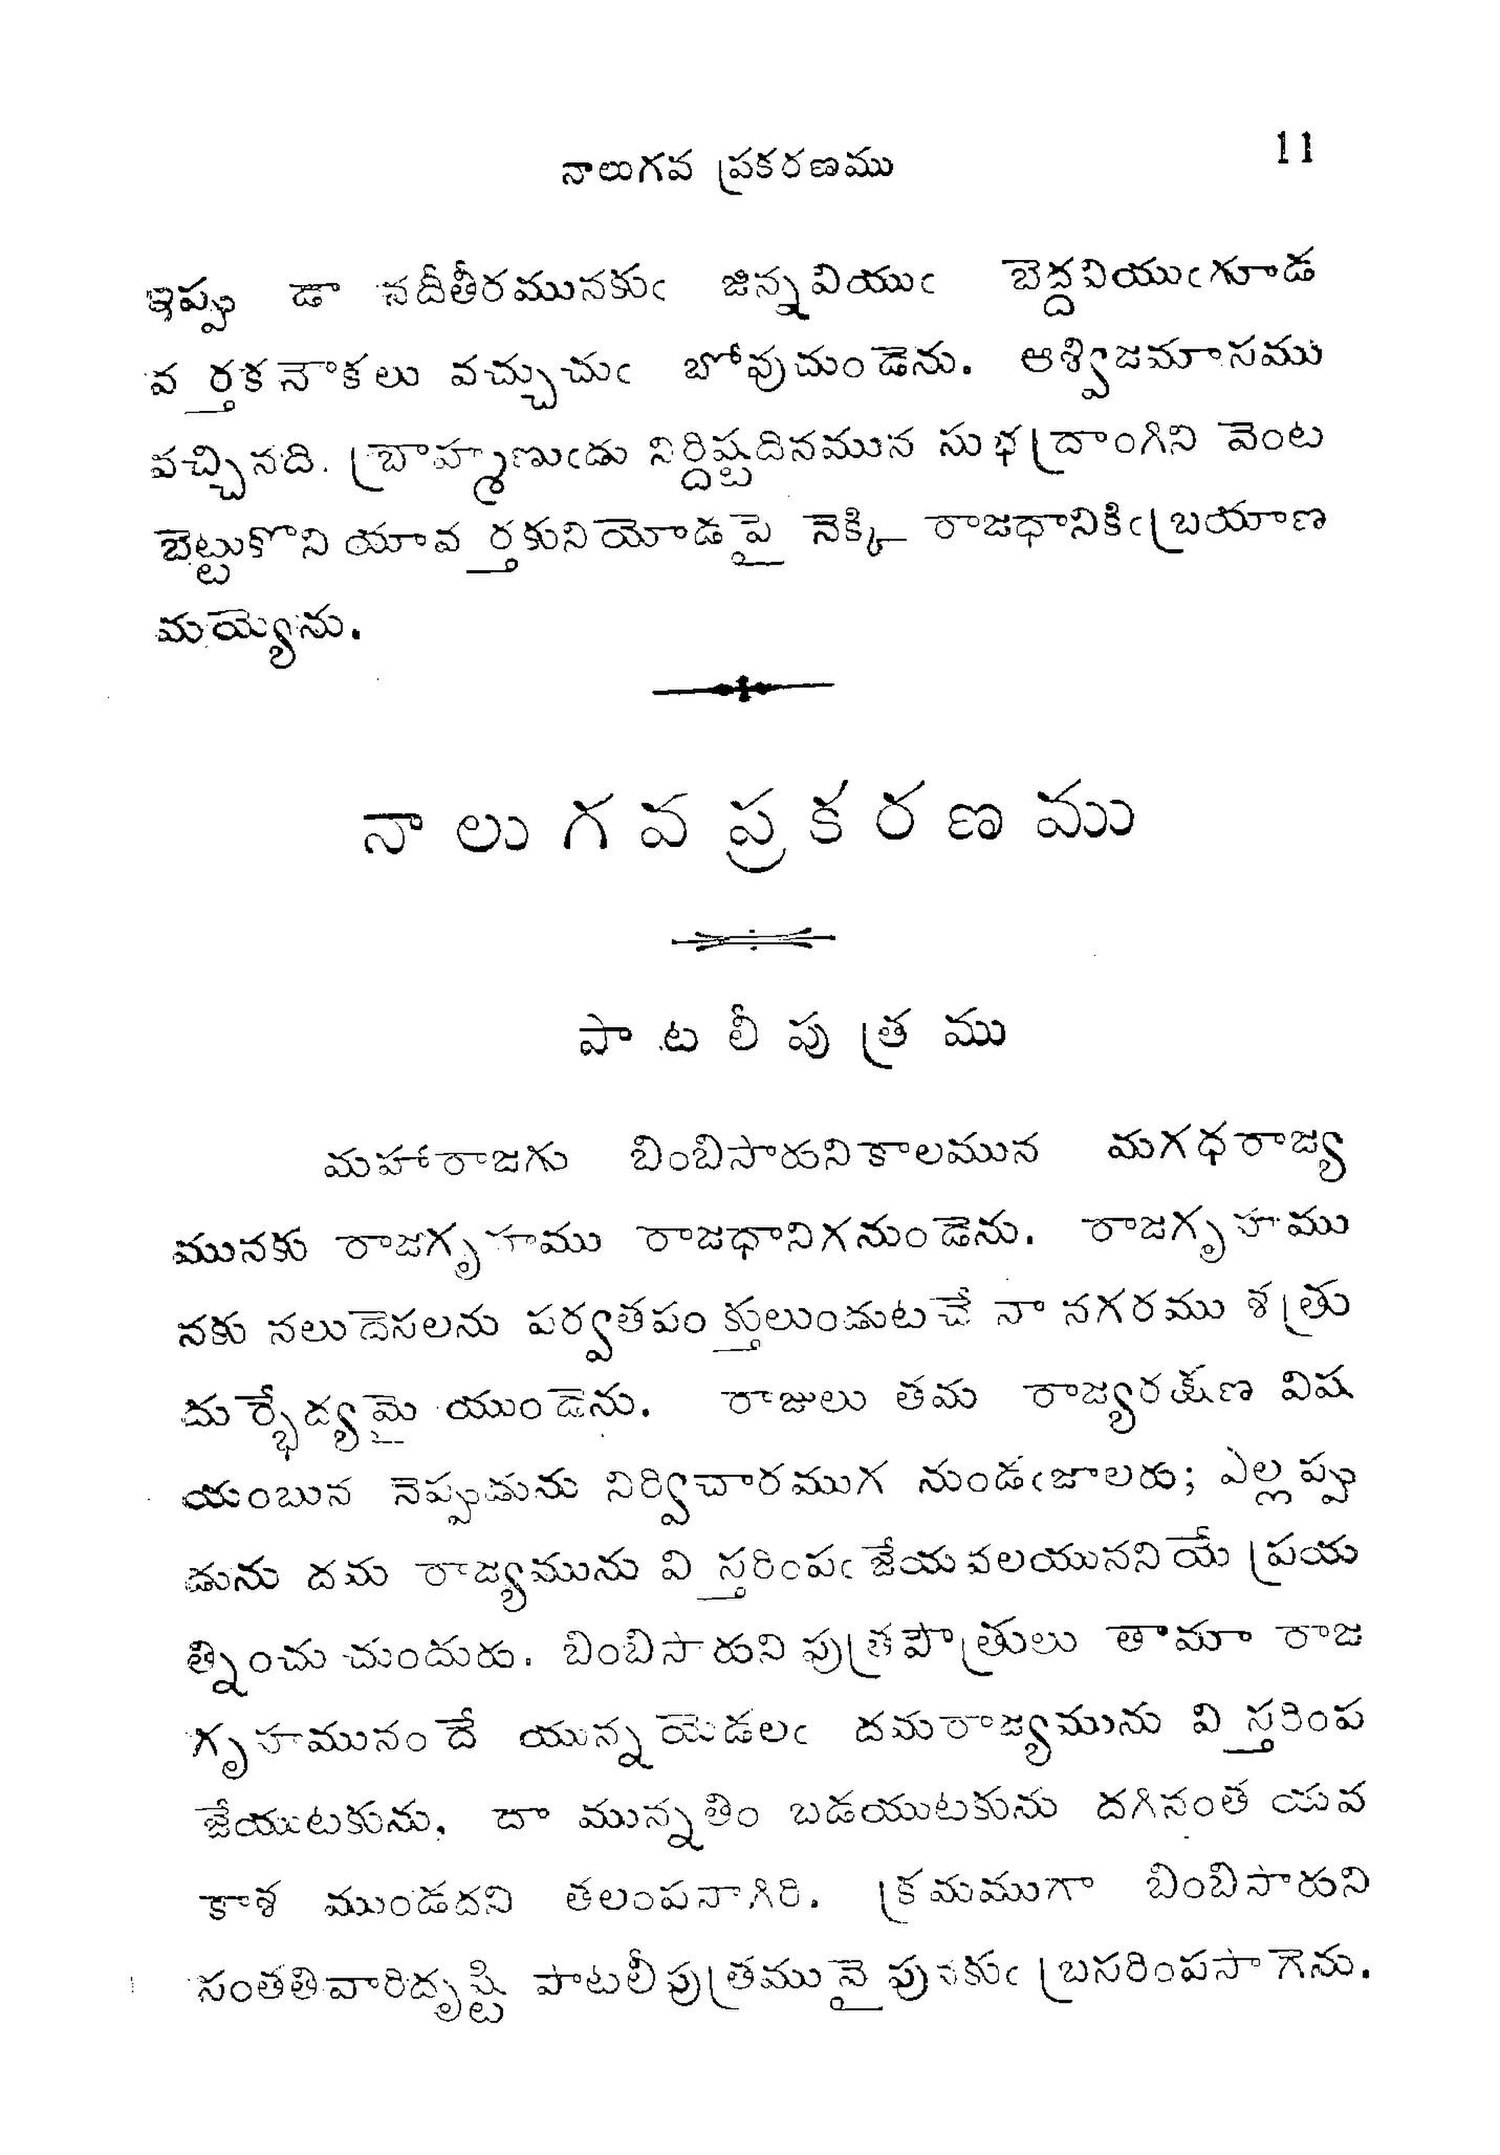ఇప్పు డా నదీతీరమునకుఁ జిన్నవియుఁ బెద్దవియుఁగూడ వర్తకనౌకలు వచ్చుచుఁ బోవుచుండెను. అశ్విజమాసము వచ్చినది. బ్రాహ్మణుఁడు నిర్దిష్ట దినమున సుభద్రాంగిని వెంటబెట్టుకొని యావర్తకుని యోడపై నెక్కి రాజధానికిఁ బ్రయాణమయ్యెను.

మహారాజగు బింబిసారుని కాలమున మగధ రాజ్యమునకు రాజగృహము రాజధానిగనుండెను. రాజగృహమునకు నలుదెసలను పర్వతపంక్తులుండుటచే నా నగరము శత్రుదుర్భేద్యమై యుండెను. రాజులు తమ రాజ్యరక్షణ విషయంబున నెప్పుడును నిర్విచారముగ నుండఁజాలరు; ఎల్లప్పుడును దమ రాజ్యమును విస్తరింపఁ జేయవలయుననియే ప్రయత్నించు చుందురు. బింబిసారుని పుత్రపౌత్రులు తామా రాజగృహమునందే యున్నయెడలఁ దమరాజ్యమును విస్తరింపజేయుటకును, దా మున్నతిం బడయుటకును దగినంత యవకాశ ముండదని తలంపసాగిరి. క్రమముగా బింబిసారుని సంతతివారిదృష్టి పాటలీపుత్రము వైపునకుఁ బ్రసరింపసాగెను.